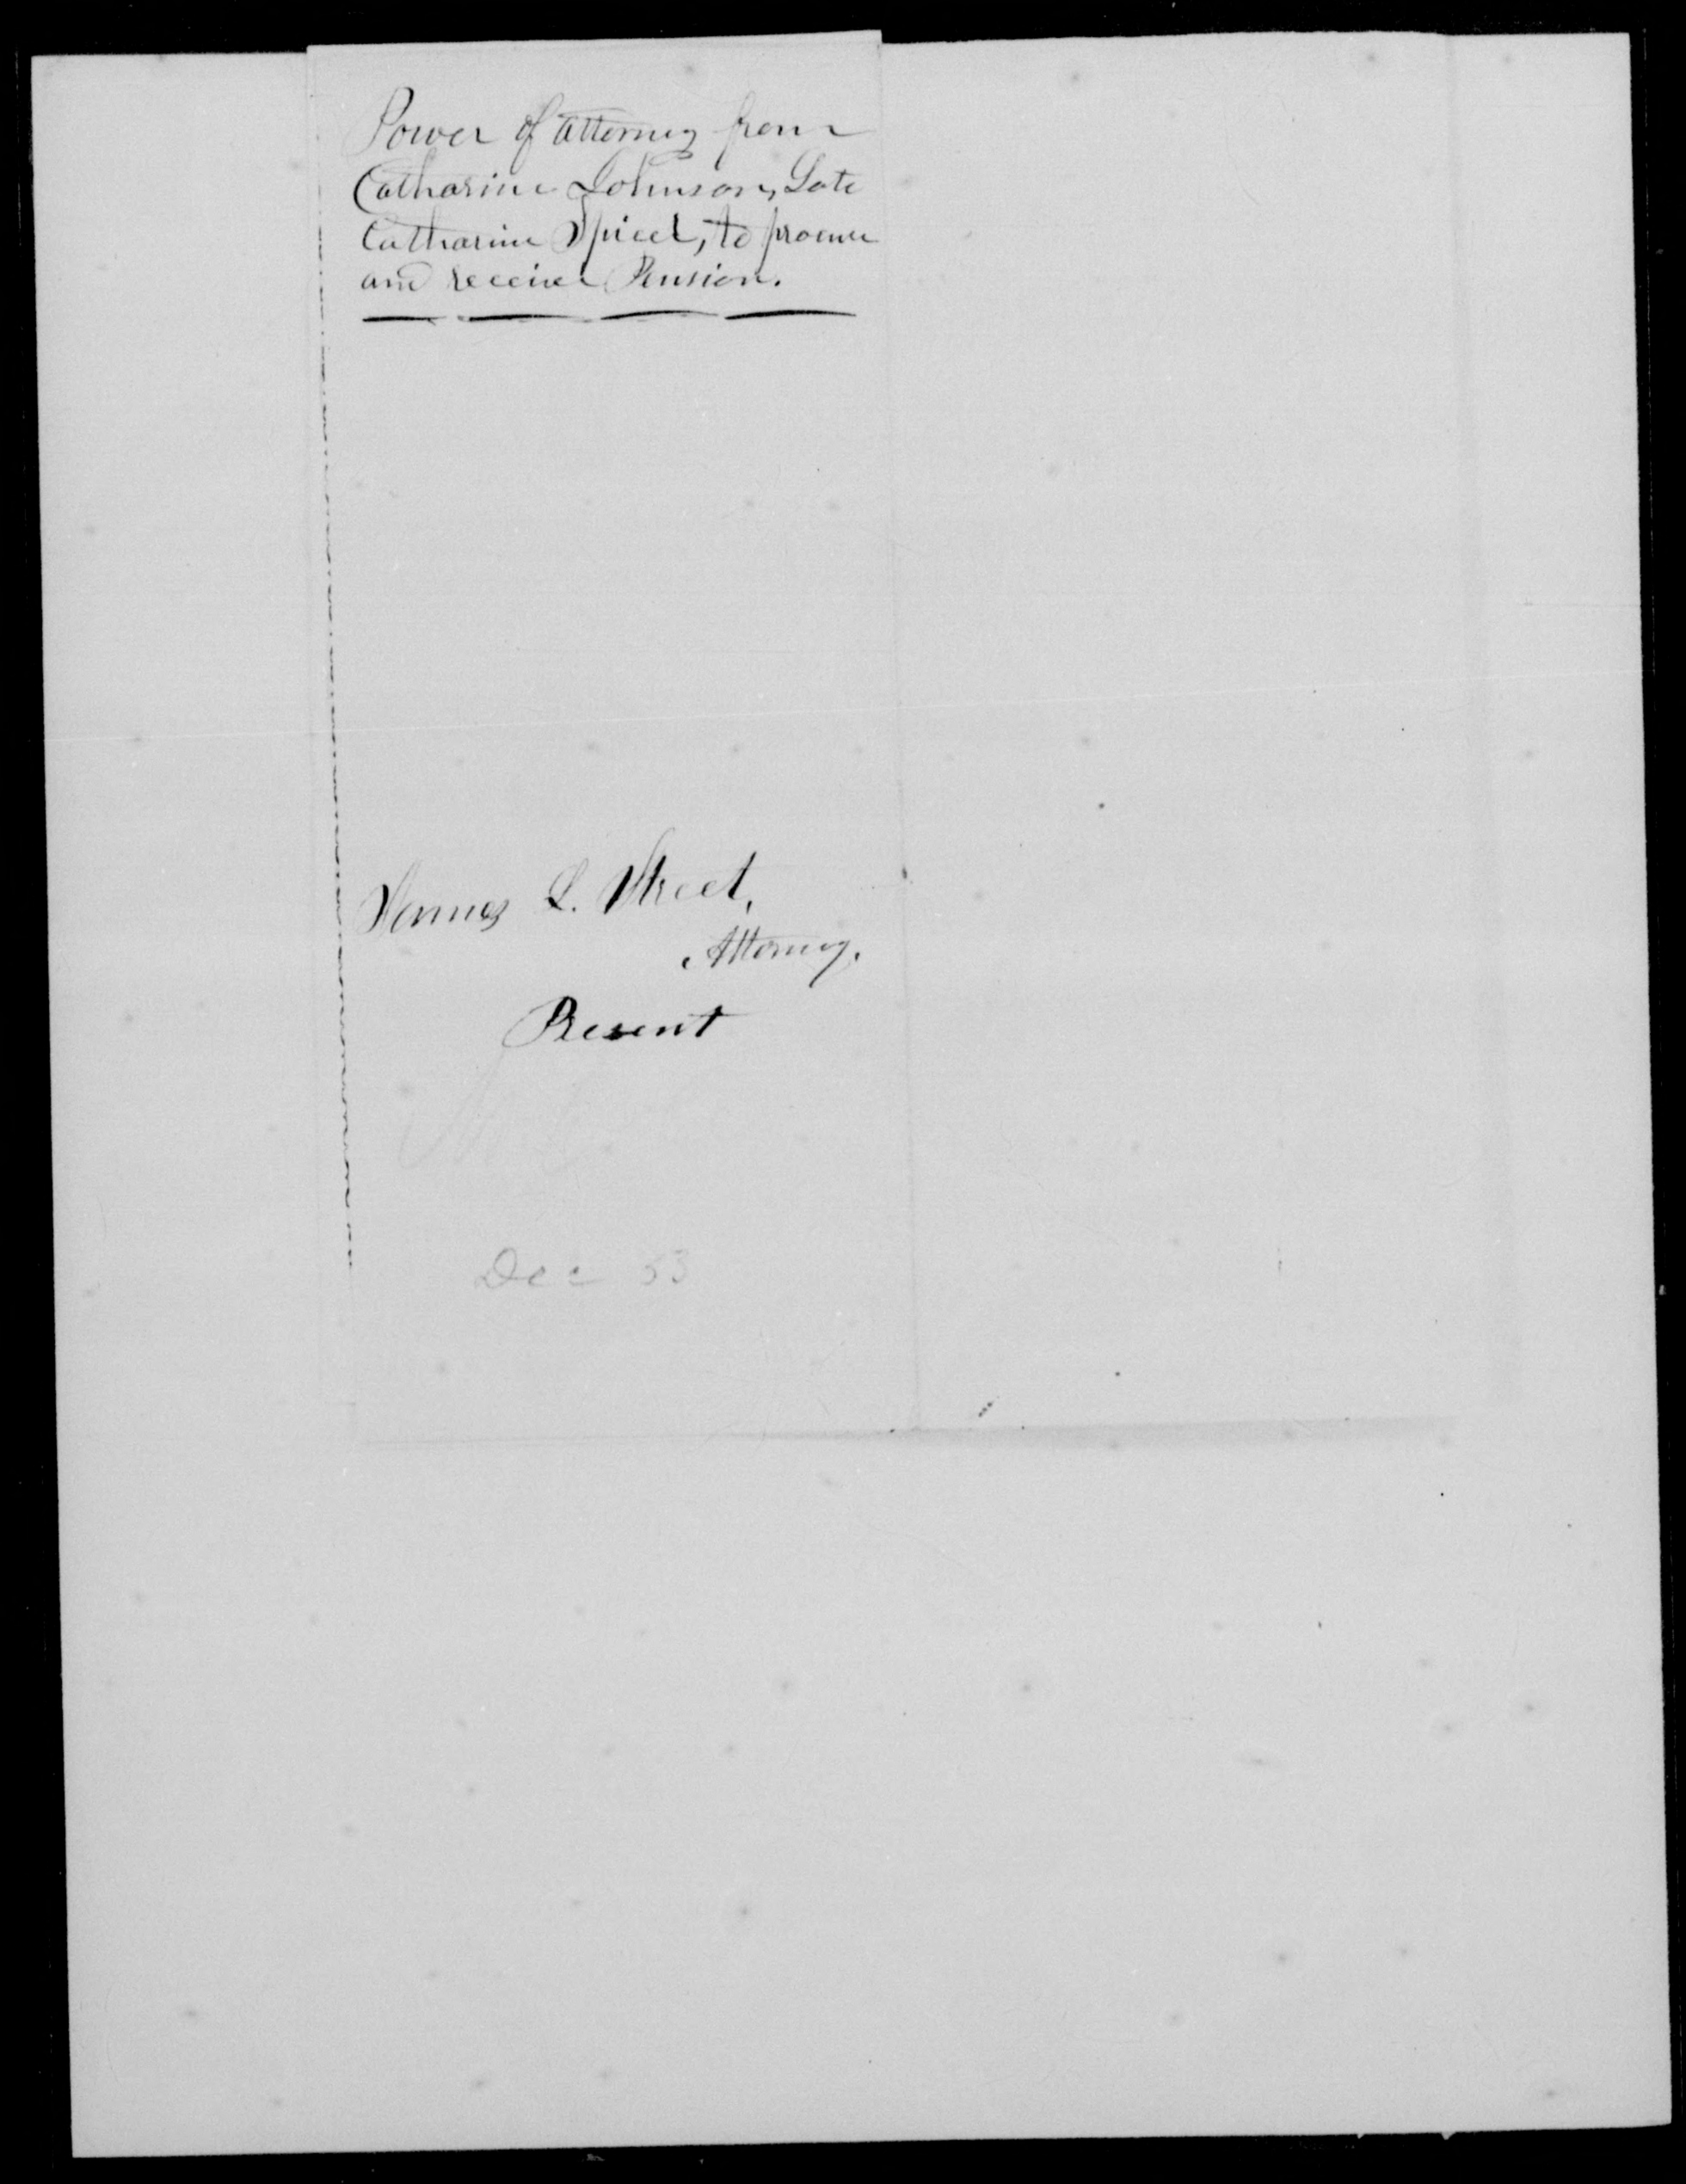Power of attorney from Catherine Johnson, late Catherine Spicer, to procure and receive Pension.

James L. Street,
Attorney
Present

Dec 53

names: Catharine Spicer; James L Street; Catharine Johnson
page: 29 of 33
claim: rejected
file: R. 5603, for Nathan Spicer, New York